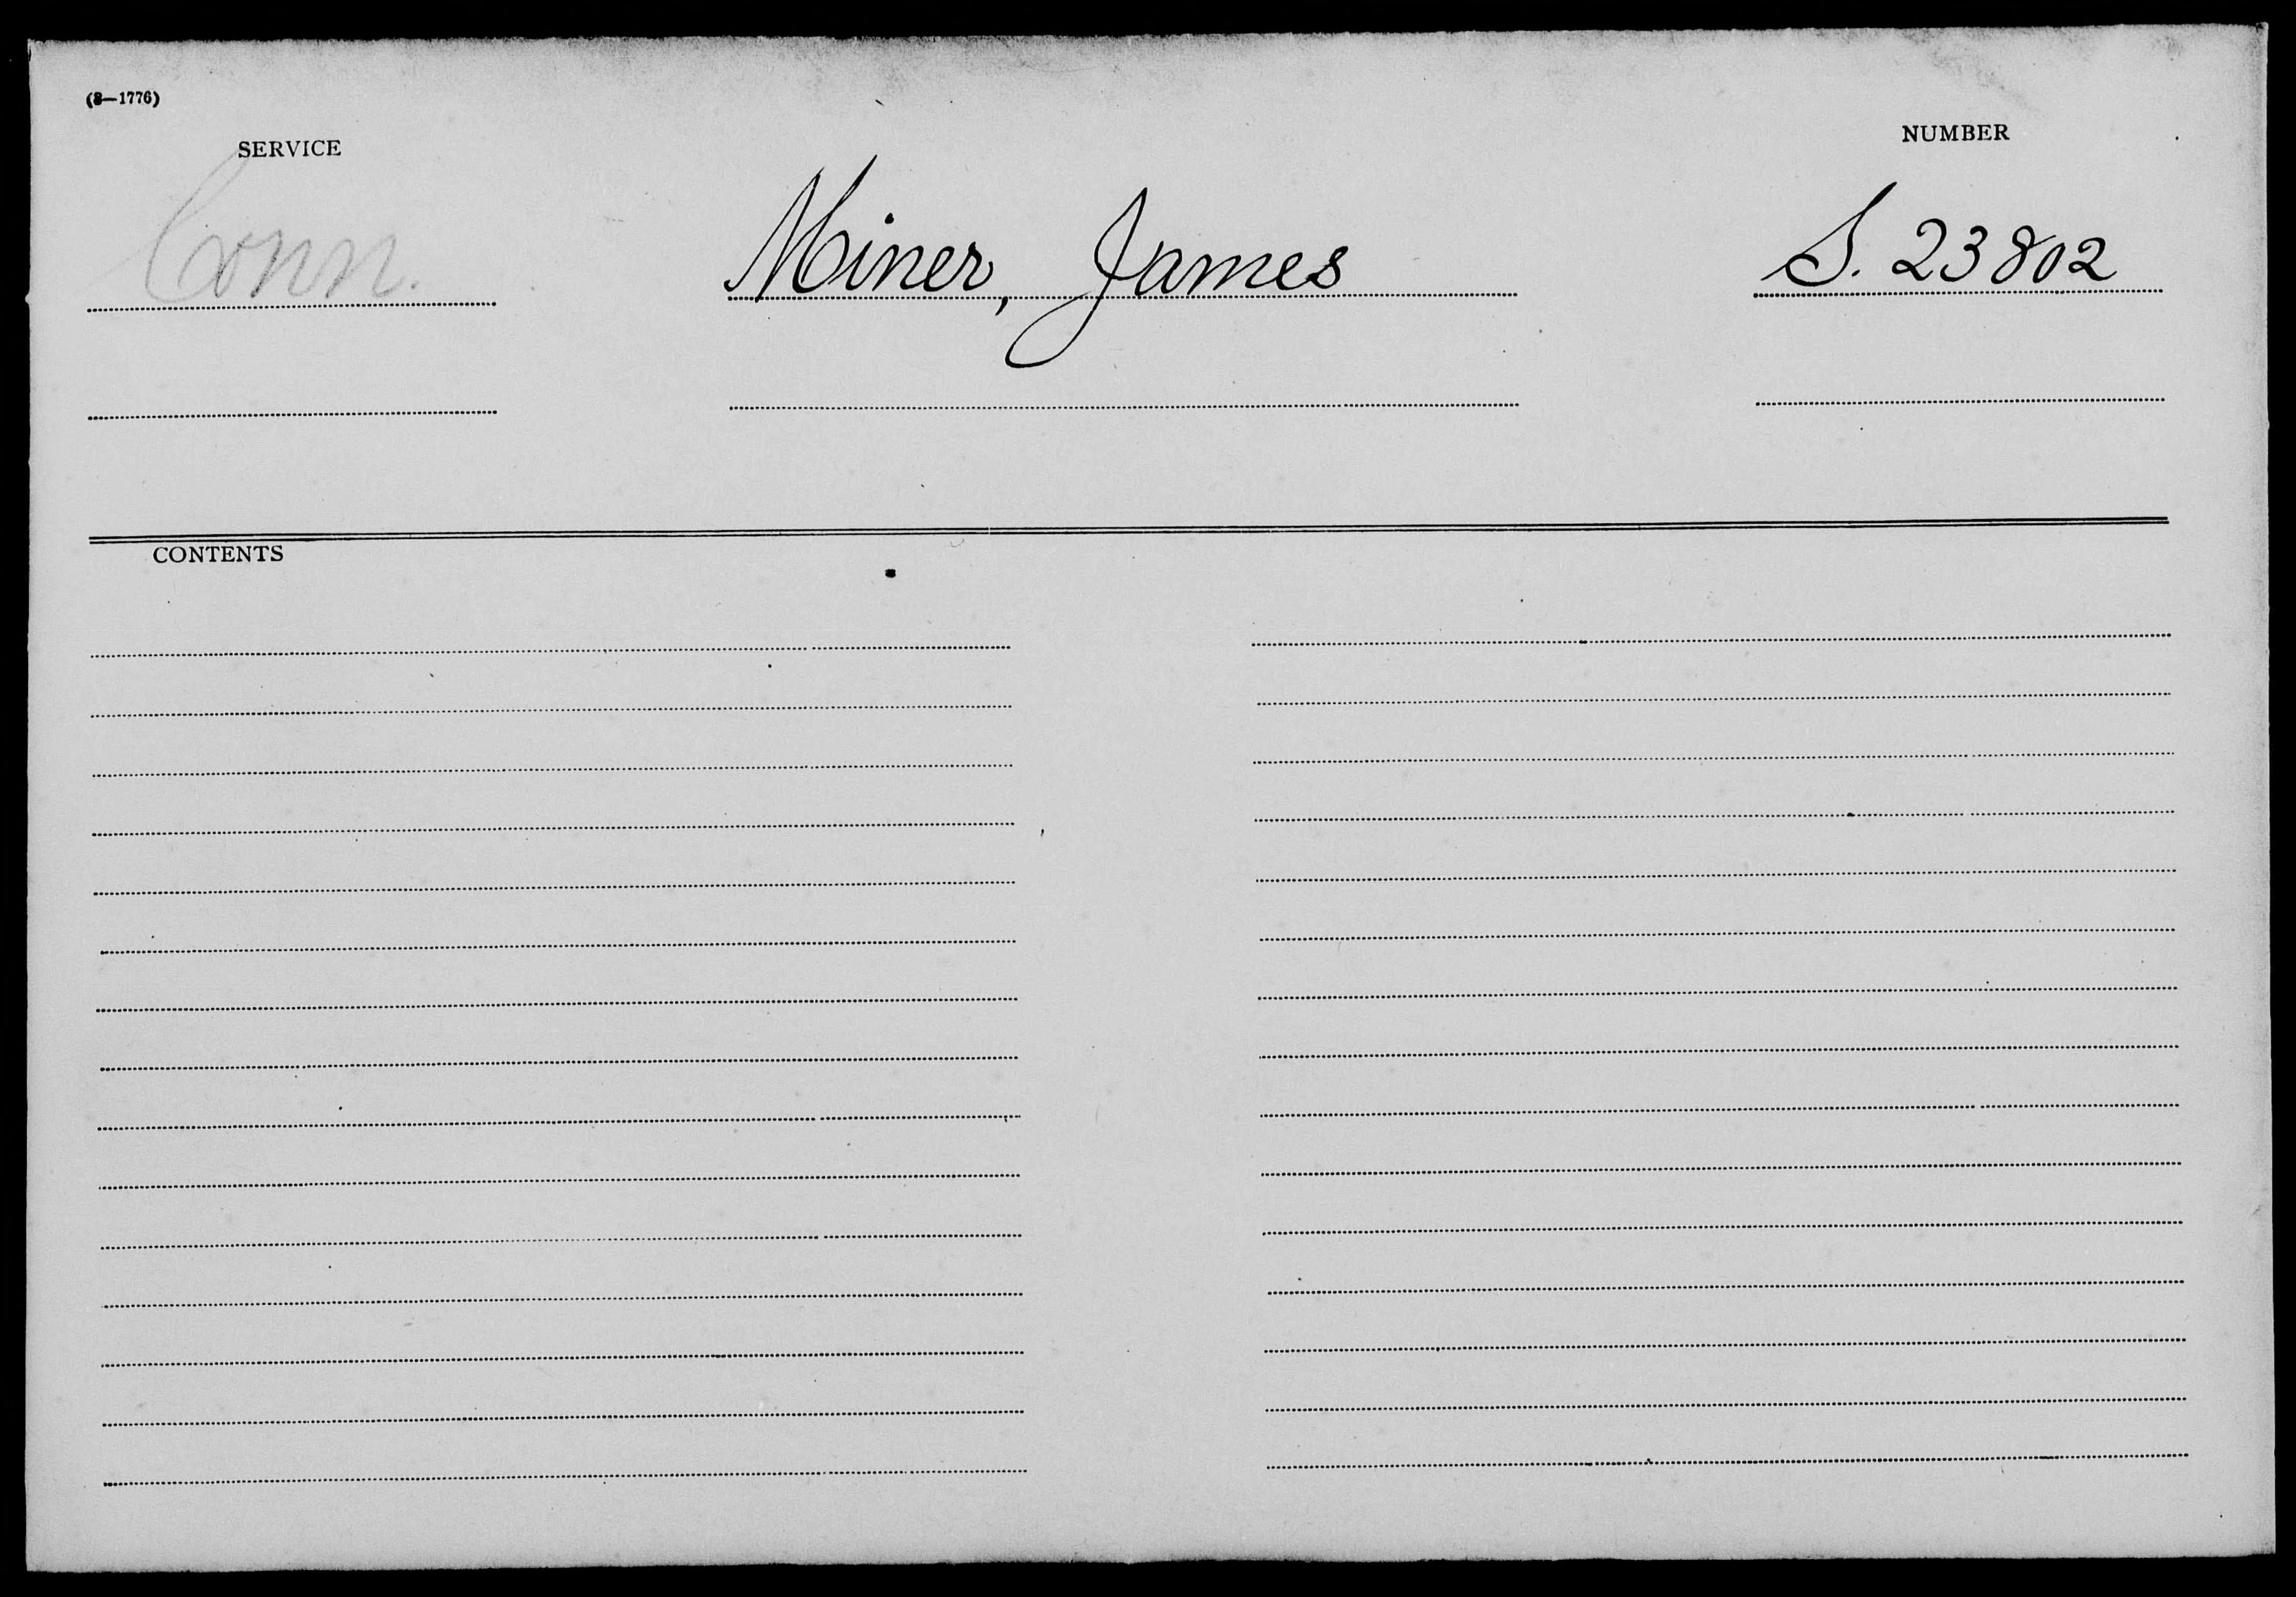(3 - 1776)
SERVICE
Conn.

Miner, James

NUMBER
S. 23802

CONTENTS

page: 1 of 39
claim: survivor's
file: S. 23802, for James Miner, Connecticut